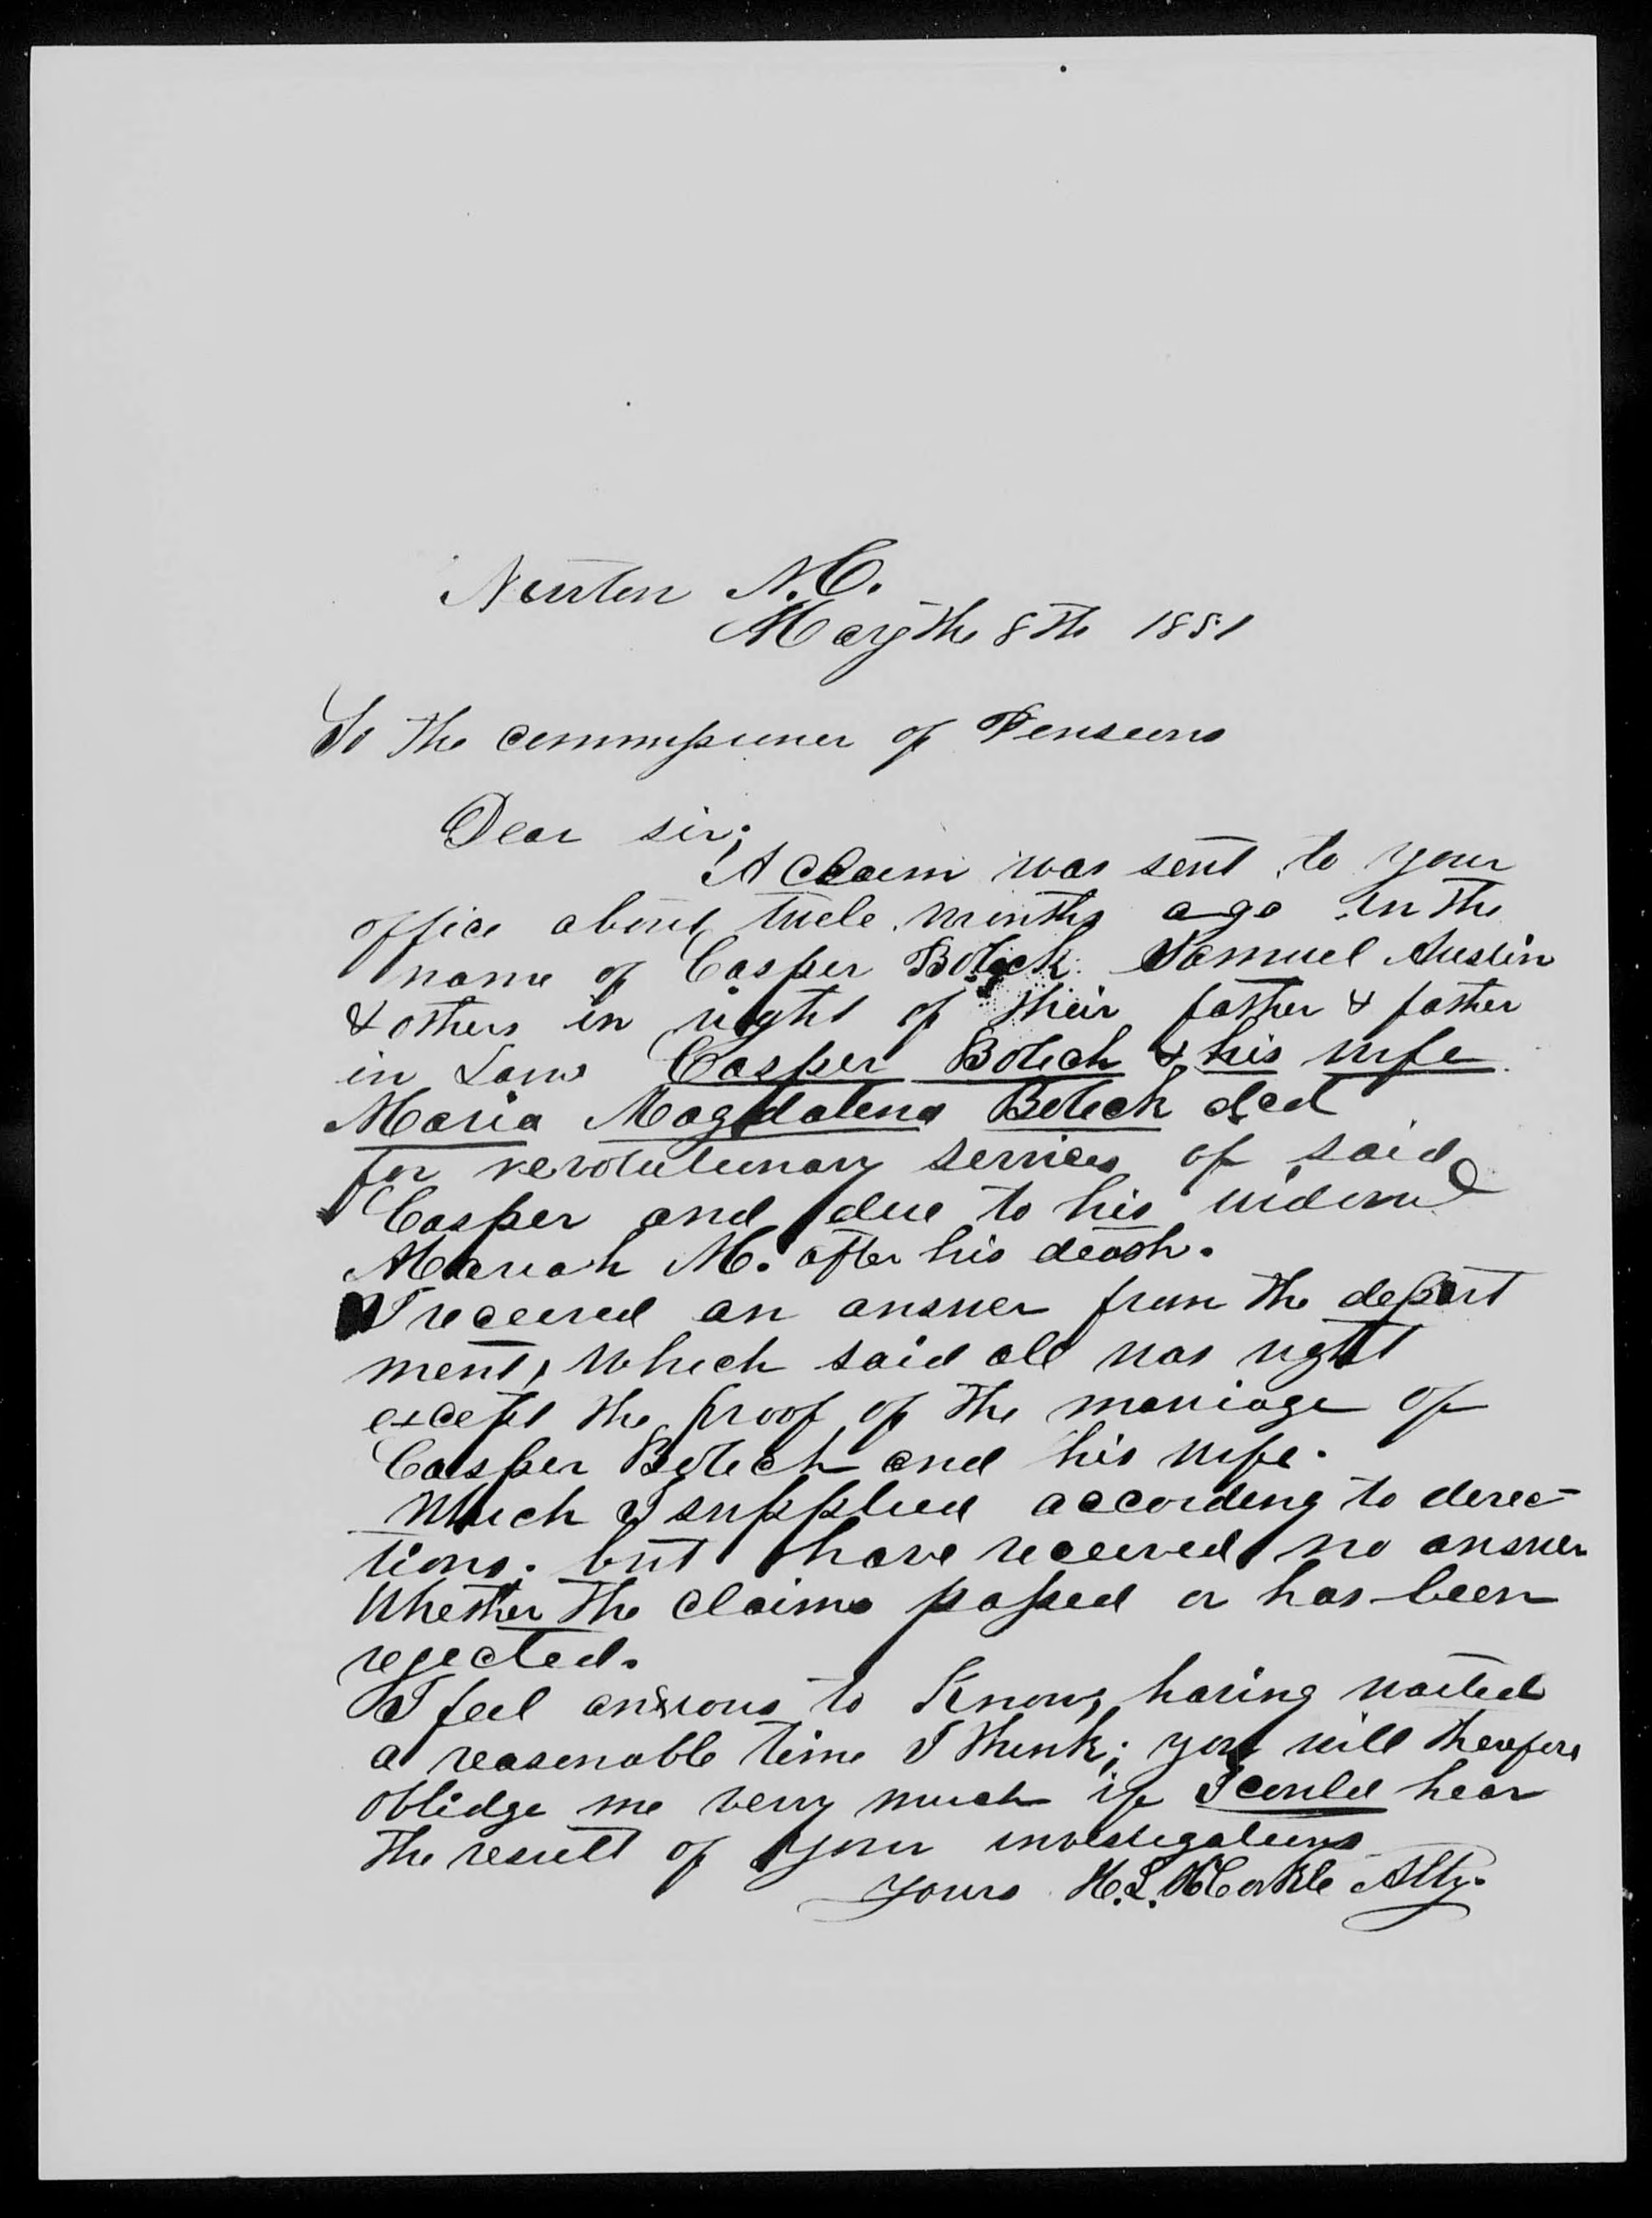Newton N. C. 
May the 8th 1851

To the Commissioner of Pensions

Dear Sir:
A claim was sent to your office about twelve months ago in the name of Casper Bolick Samuel Austin & others in rights of their father & father in law Casper Bolicik & his wife Maria Magdalena Bolick dec'd. for revolutionary services of said Casper and due to his widow Mariah M. after his death. I received an answer from the department, which said all was right except the proof of the marriage of Casper Bolick and his wife I supplied according to directions but I have received no answer. Whether the claim passed or has been rejected. I feel anxious to know having waited a reasonable time. I think you will therefore oblige me very much if I could hear the result of your investigations.
[Signature] Yours, H. L. McCorkle Atty.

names: Casper Bolech, Samuel Austin, Mariah M, Casper Bolech, Casper, Magdalena Boleck, Maria, Casper Bolick, H L Mc Corkle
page: 26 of 43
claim: widow's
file: W. 18,566, Casper Bolick, N.C.